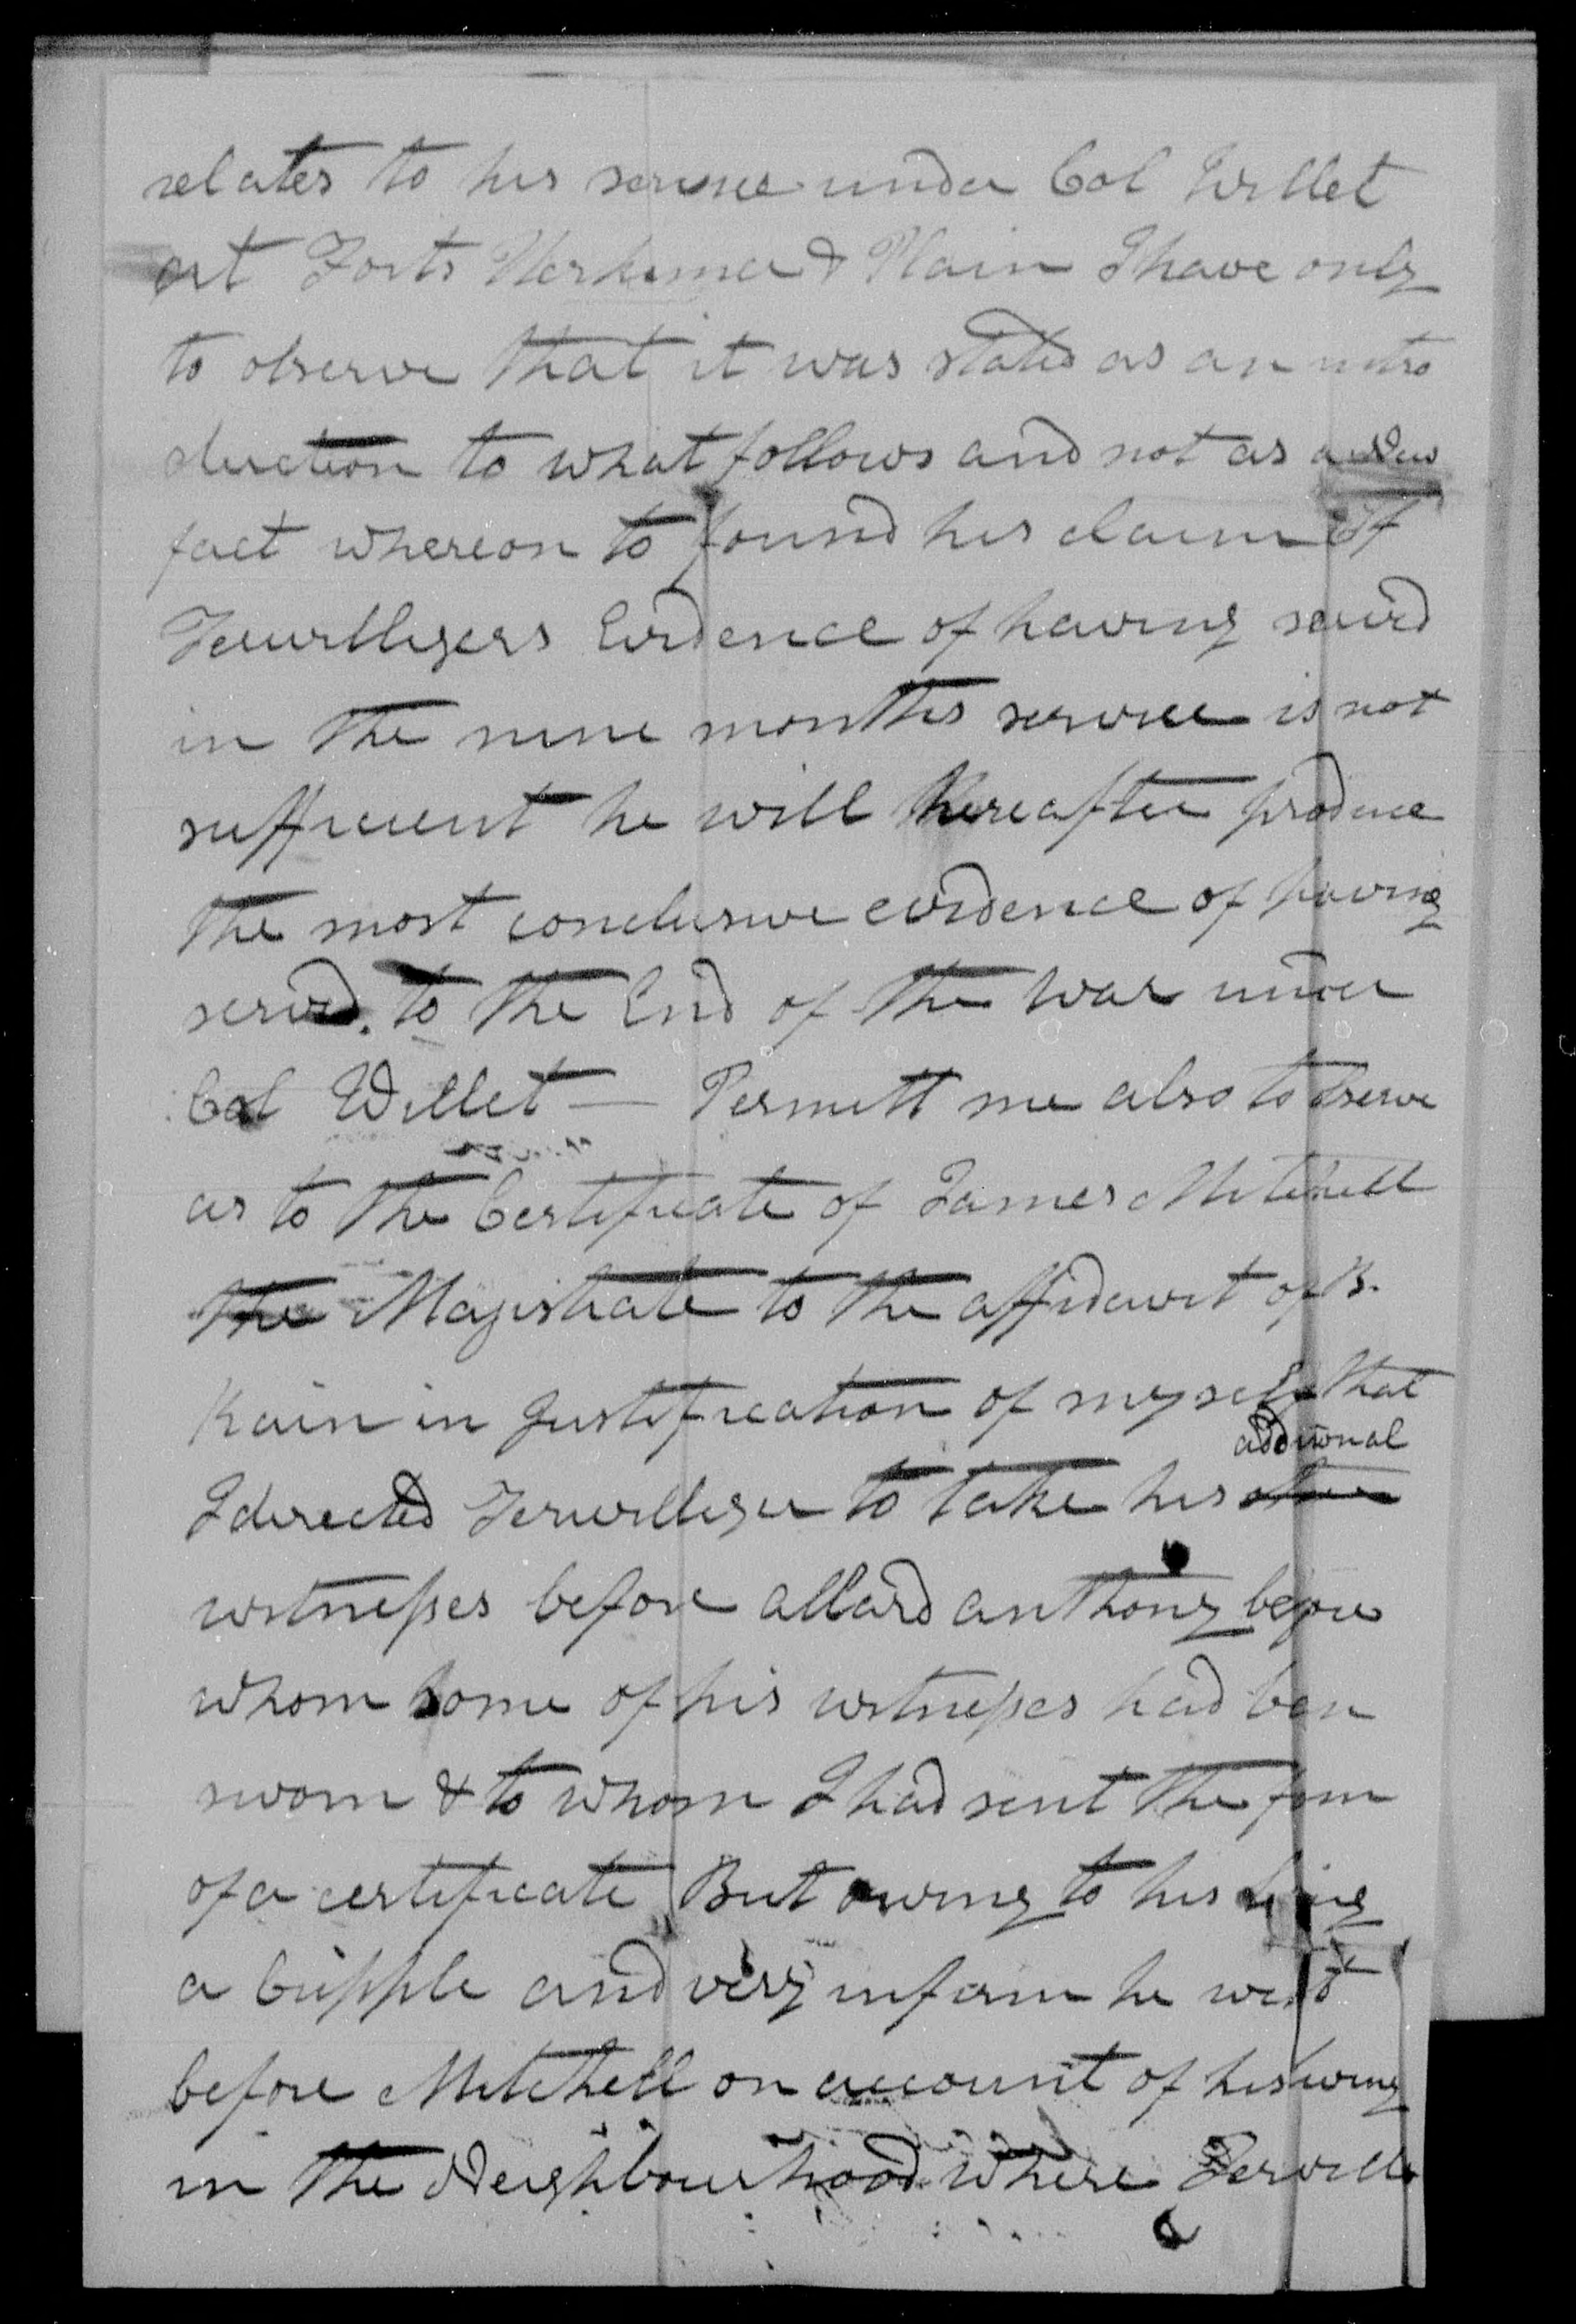relates to his service under Col Willet
at Fort Herkimer & Plain I have only
to observe that it was stated as an introduction to what follows and not as
fact whereon to found his claim
Terwilligers Evidence of having served
in the nine months service is not
sufficient he will hereafter produce
the most conclusive evidence of having
served to the end of the war under
Col Willett -- Permit me also to see
as to the Certificate of James Mitchell
the Magistrate to the affidavit or
B. Kain in justification of myself that I
directed Terwilliger to take his
witnesses before allard Anthony be
whom some of his witnesses had been
sworn & to whom I had sent the form
of a certificate but owing to his being
a cripple and very infirm he went
before Mitchell on account of living
in the Neighbourhood where Terwilliger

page: 25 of 64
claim: survivor's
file: S. 42,464, for William Terwilliger, New York